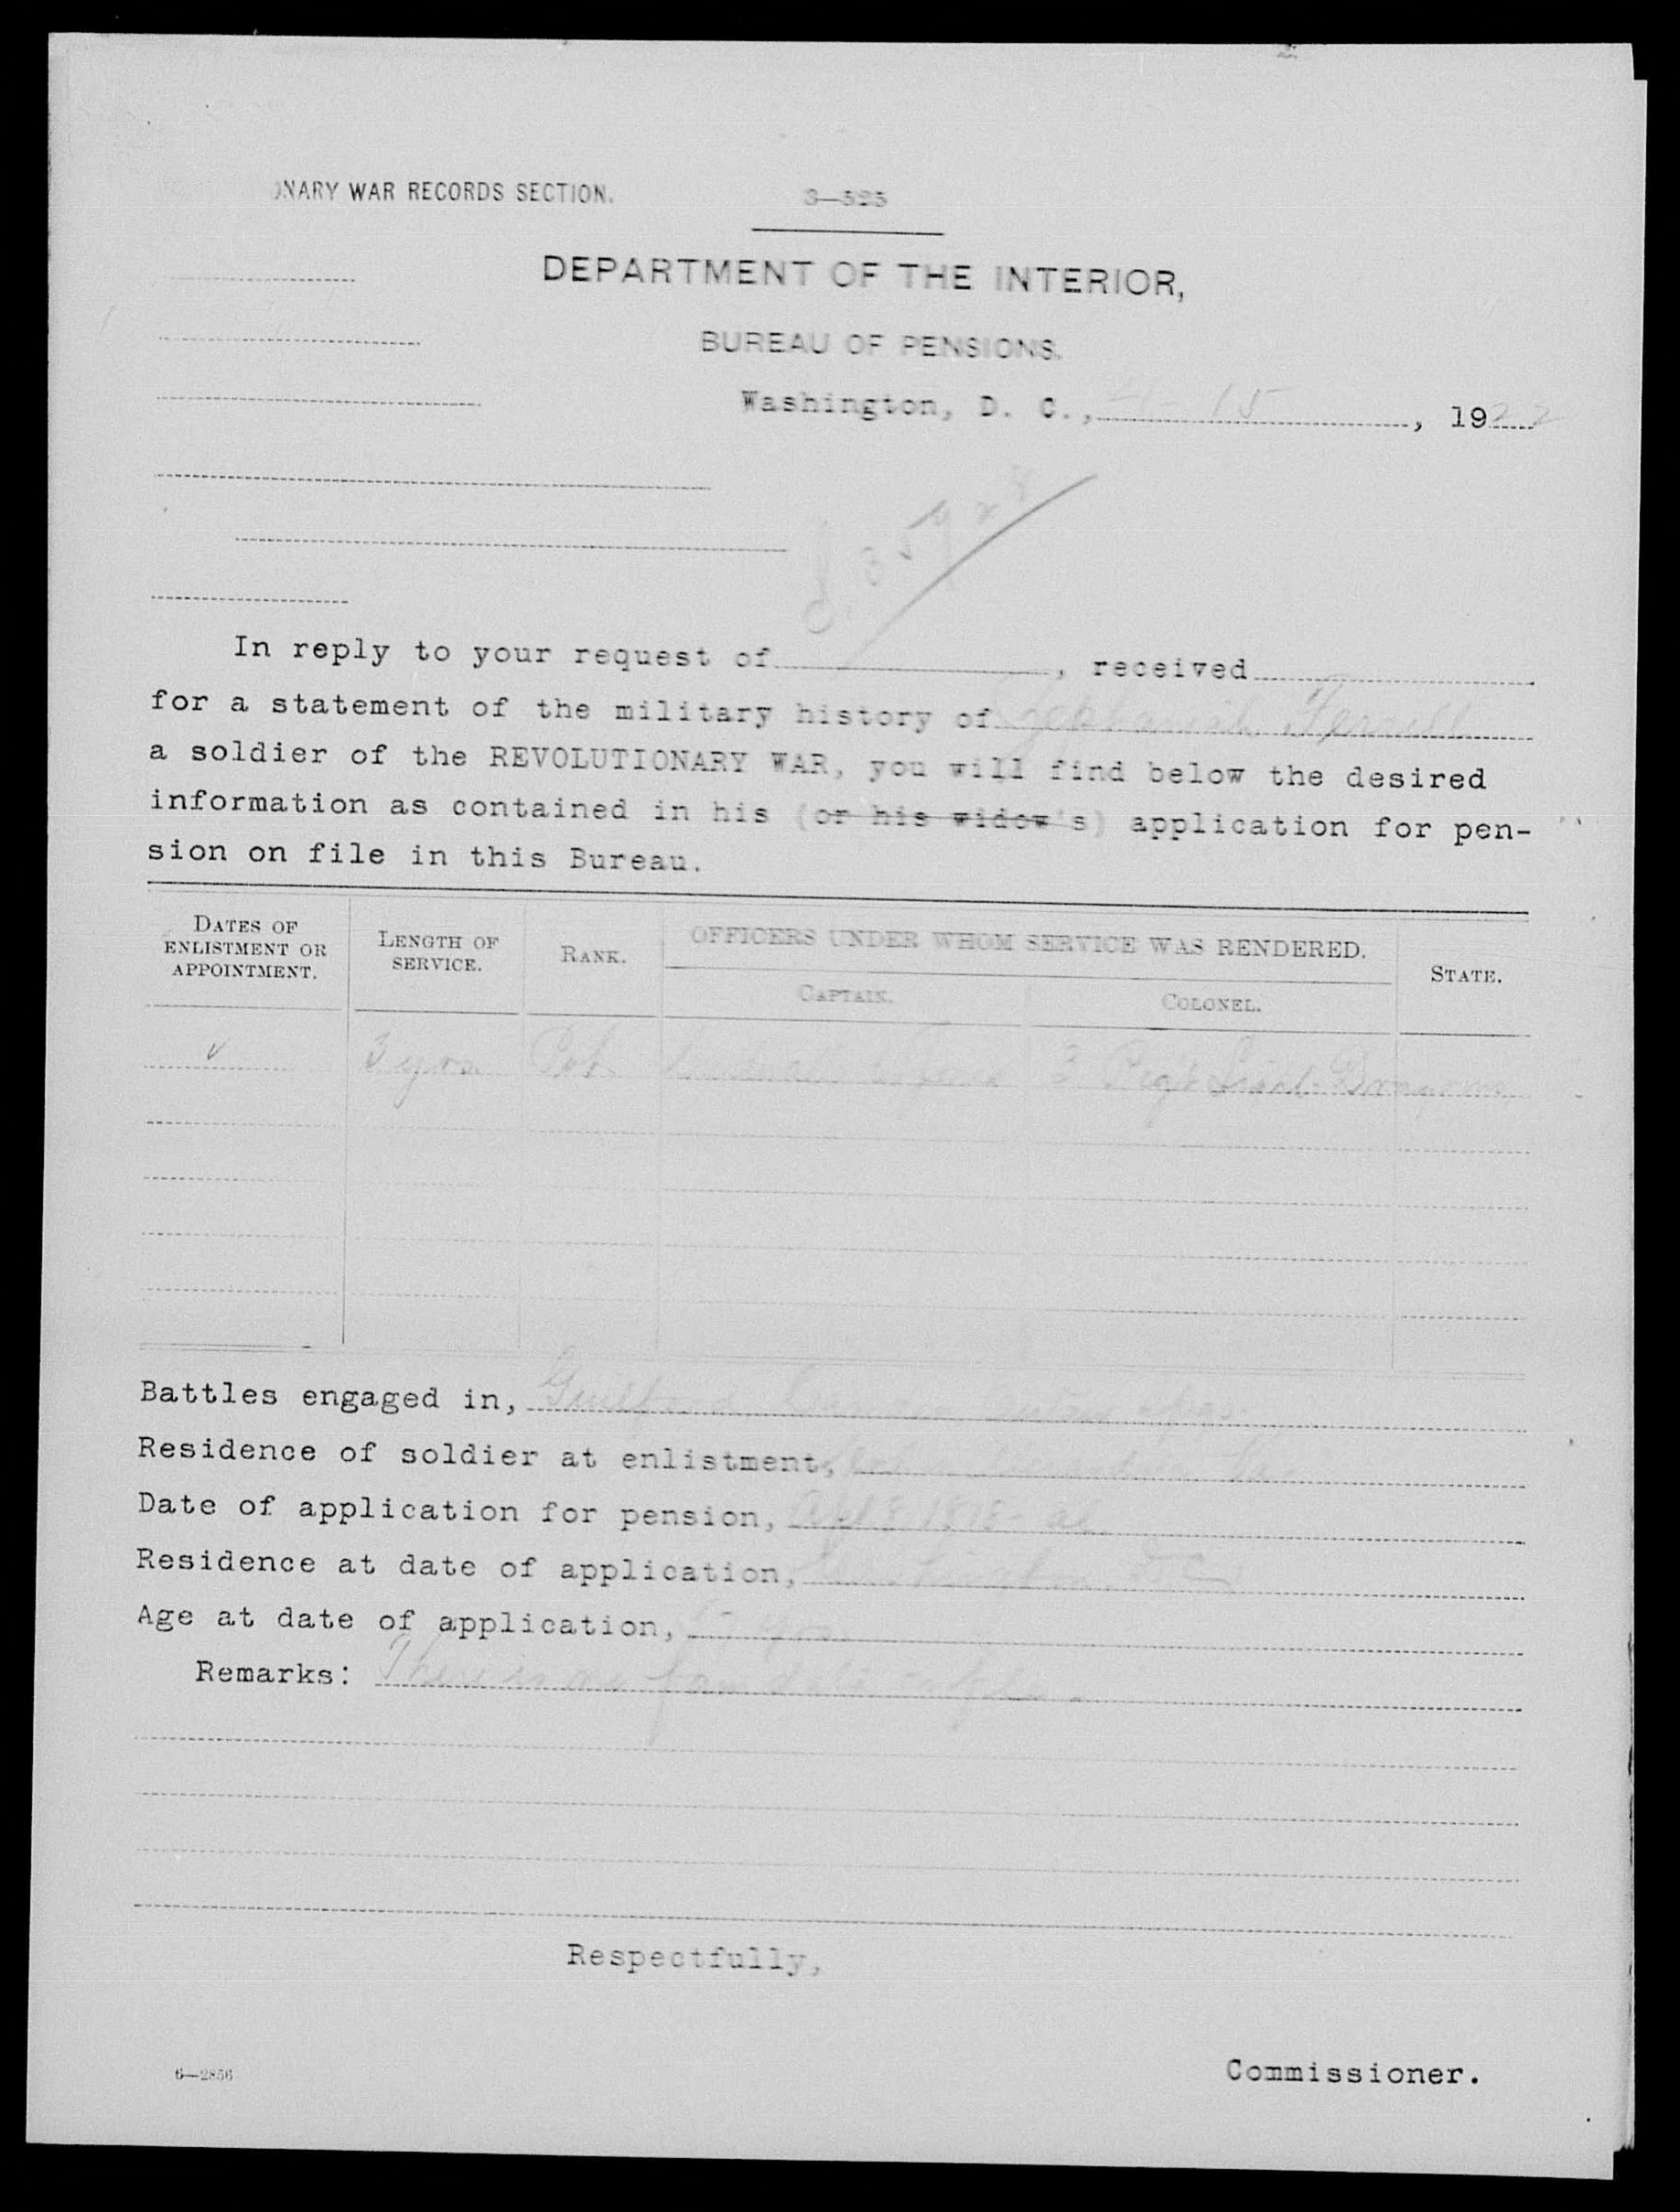[REVOLUTI]ONARY WAR RECORDS SECTION.
3 -- 525
DEPARTMENT OF THE INTERIOR.
BUREAU OF PENSIONS.
Washington, D.C., 4-15, 1922

In reply to your request of S. 35928, received for a statement of the military history of Zephaniah Ferrill, a soldier of the REVOLUTIONARY WAR, you will find below the desired information as contained in his [crossed out "(or his widow's)"] application for pension
on file in this Bureau.

DATES OF ENLISTMENT OR
APPOINTMENT.
[Checkmark]

LENGTH OF
SERVICE.
3 years.

RANK.
Pvt.

OFFICERS UNDER WHOM SERVICE WAS RENDERED.
CAPTAIN.
Cadwallader Jones 3. Regt. Light Dragoons

Battles engaged in, Guilford, Camden, Eutaw Spgs.
Residence of soldier at enlistment, est. Alexandria Va.
Date of application for pension, Apl. 8, 1818
Residence at date of application, Washington, D.C.
Age at date of application, 57 yrs.
Remarks: There is no fam. data on file.

Respectfully,
Commissioner.
6 -- 2856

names: Zephaniah Ferrill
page: 12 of 12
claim: survivor's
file: S. 35928, Zephaniah Ferrill, Cont. (Va)